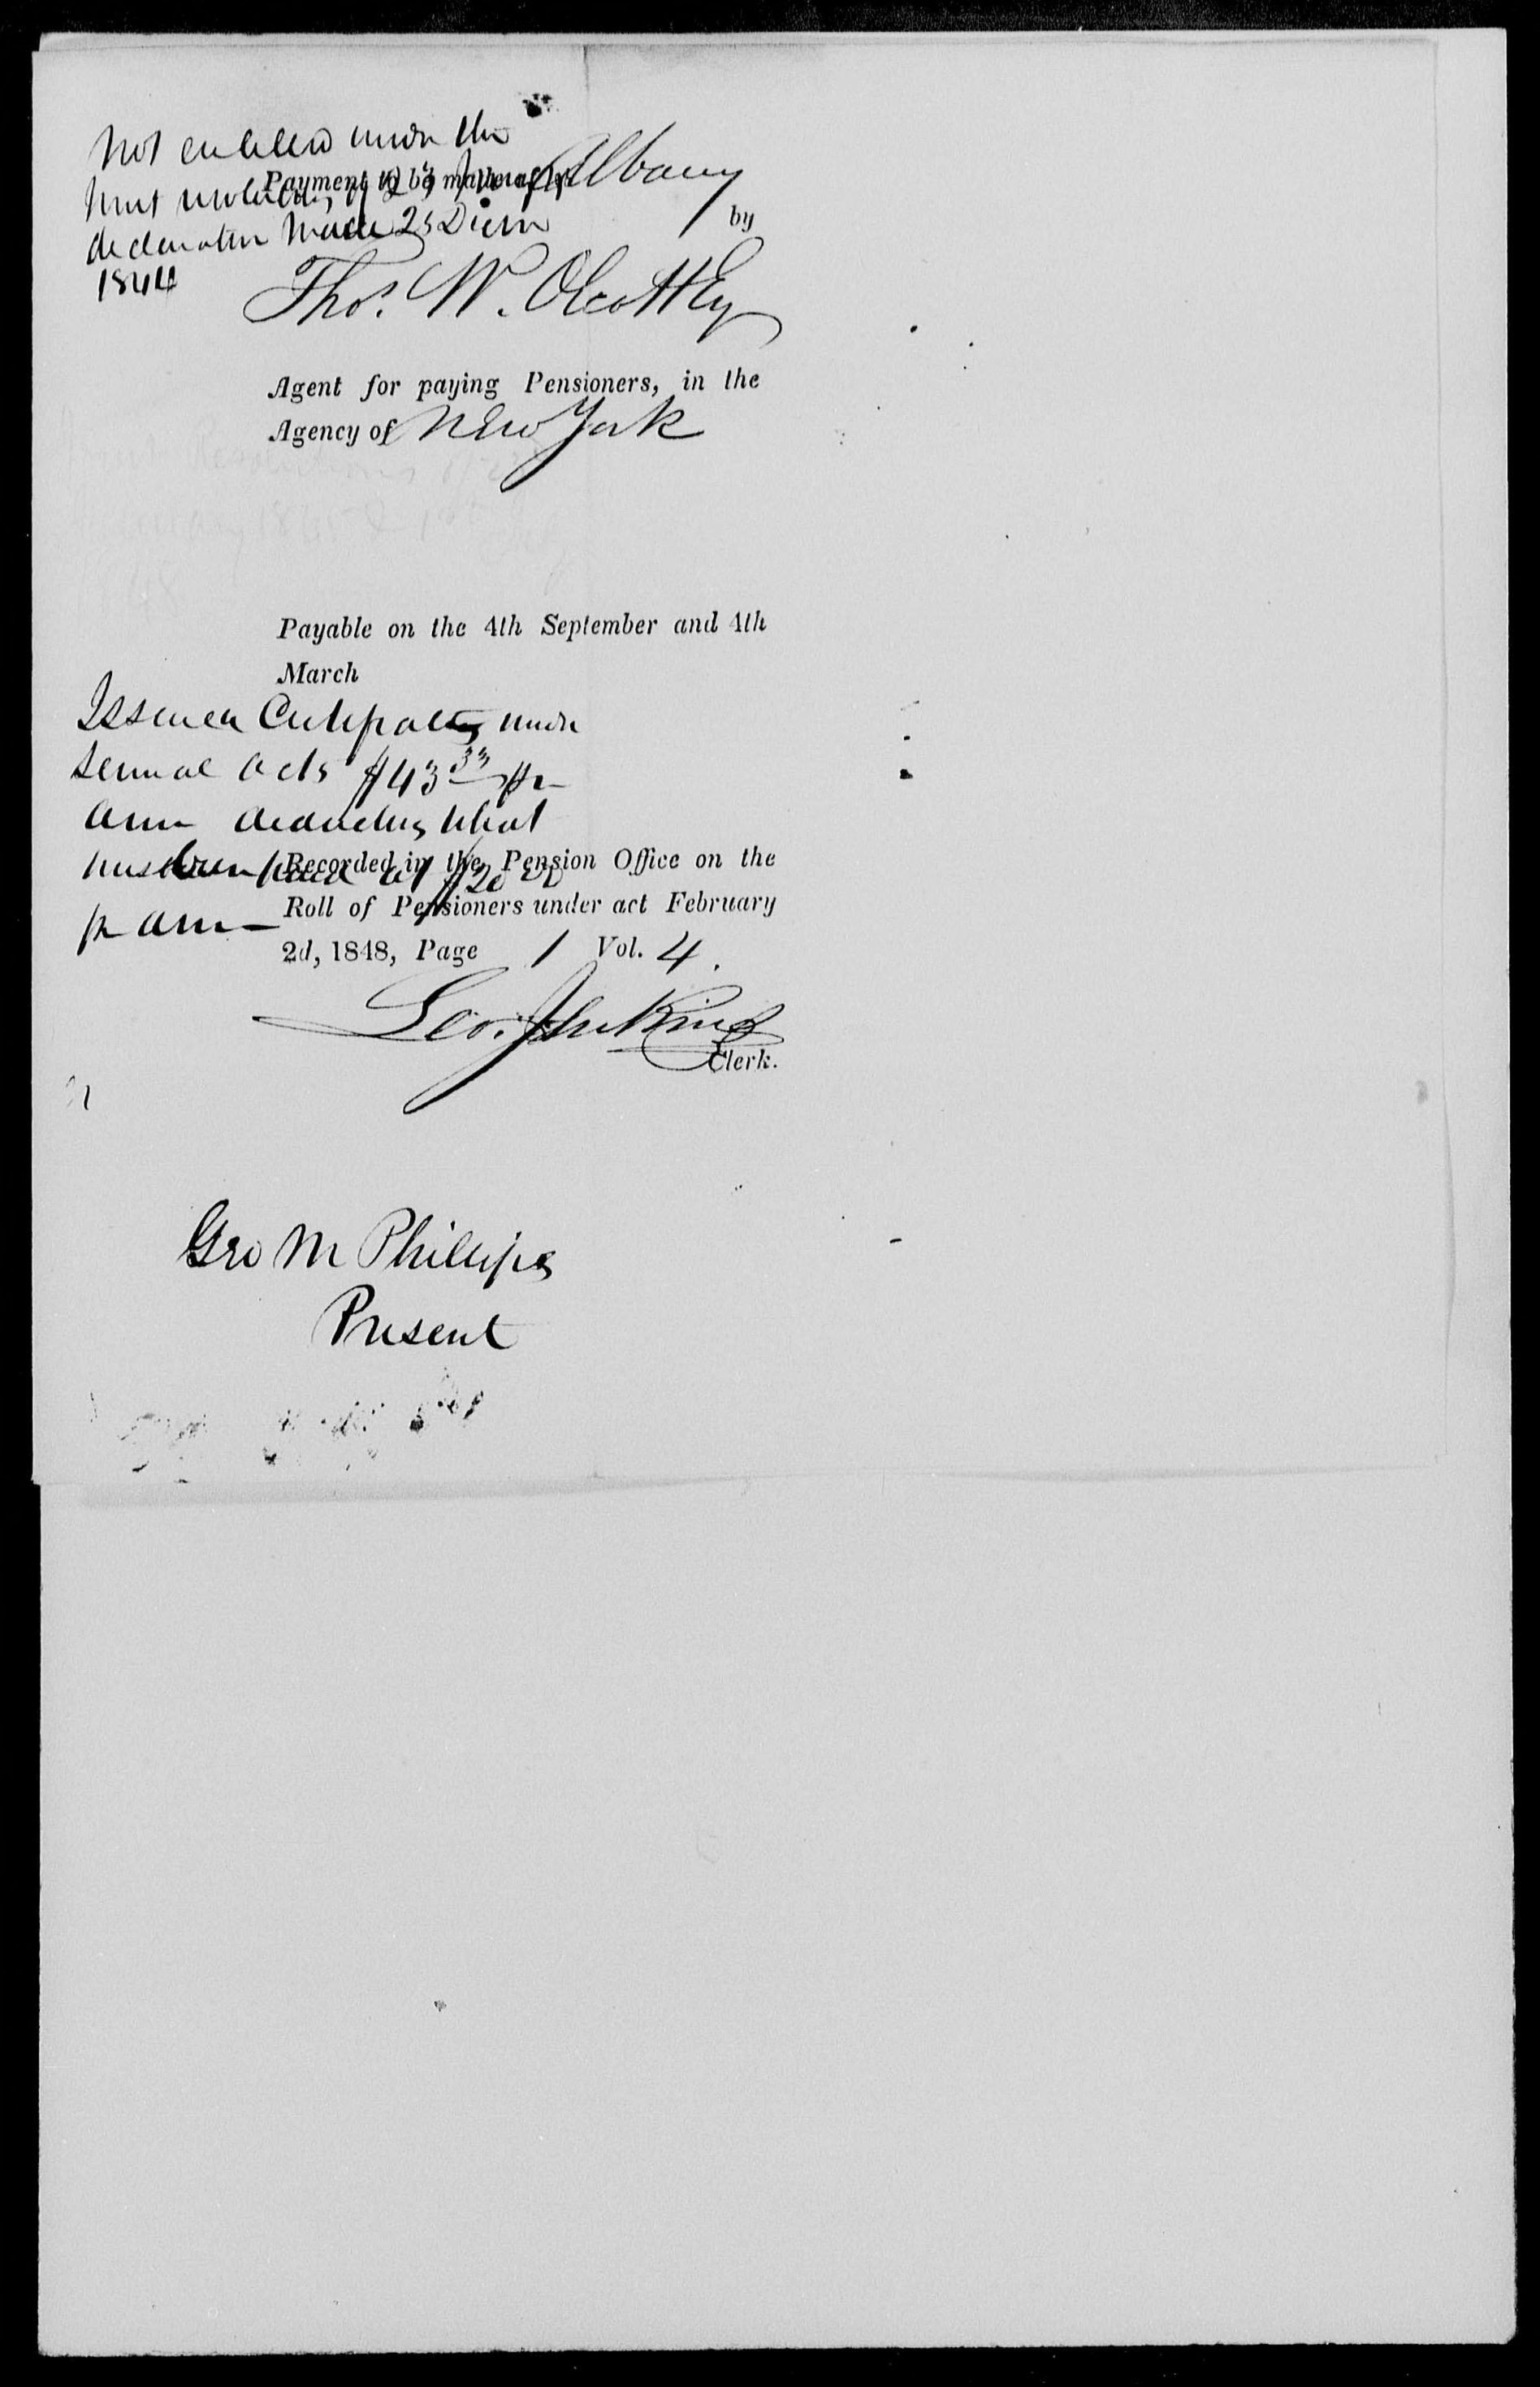[Handwritten note top left]
not entitled under the
Joint resolution of [illegible]
Declaration made 25 & in
1844
Payment to be made
Albany by
Thos W. Olcott Esq
Agent for paying Pensioners, in the
Agency of New York
[faded faint handwriting]
Joint Resolutions of 23d
January 1835 & [illegible]
1848

Payable on the 4th September and 4th
March
Issued Certificates made
Sem Al Oct 5 $43.33 pr ann
deducting what
husband had at $20.00
pr ann 
Recorded in the Pension Office on the
Roll of Pensioners under act February
2d, 1848, Page 1 Vol. 4
Leo Jenkins Clerk.
Geo M Phillips
Present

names: Geo M Phillips, Leo Jenkins, Thos W Olcott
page: 49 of 74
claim: widow's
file: W. 23424, John Allen, Mass. R. I.